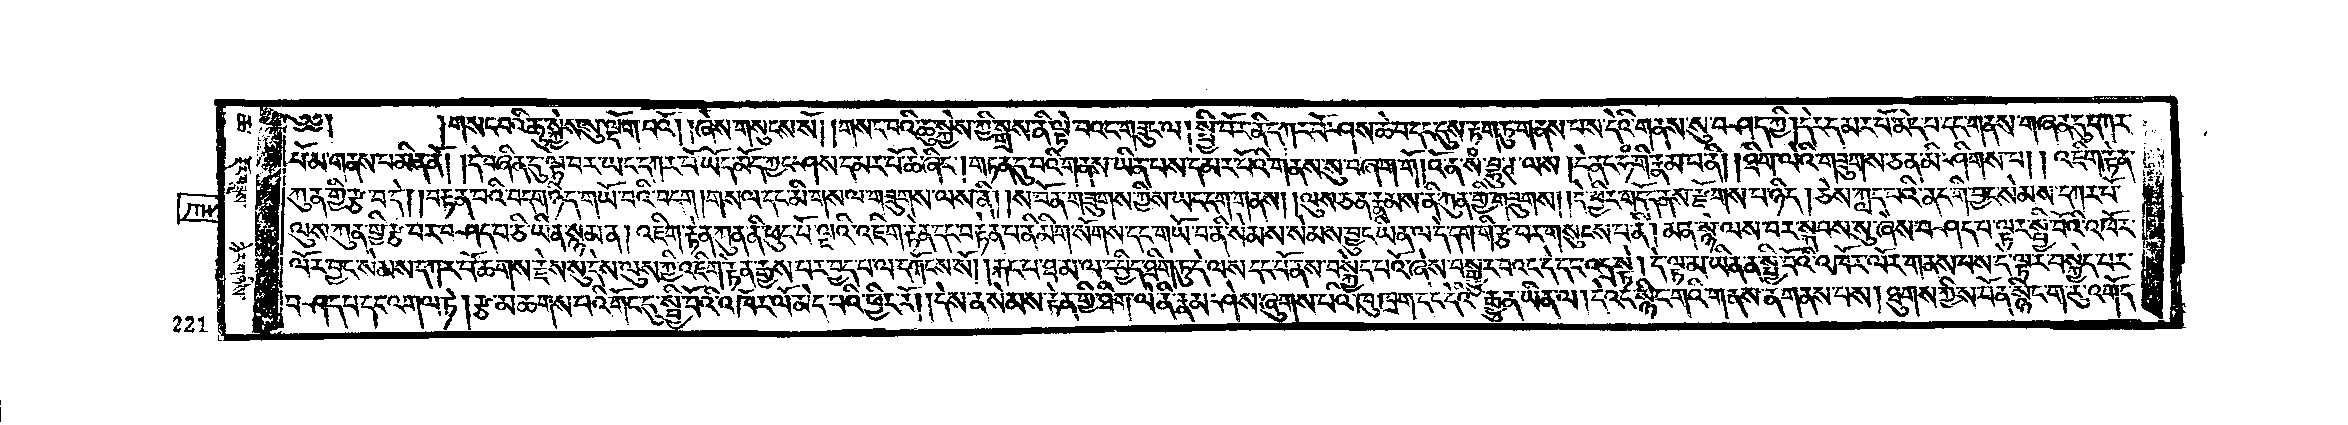༄༅། །གསང་བའི་ཆུ་སྐྱེས་སུ་ལྡོག་པའོ། །ཞེས་གསུངས་སོ། །གསང་བའི་ཆུ་སྐྱེས་ཀྱི་སྒྲས་ནི་ལྟེ་བའང་གཟུང་ལ། སྤྱི་བོར་ནི་དཀར་པོ་ཤས་ཆེ་བ་དང་དུས་རྟག་ཏུ་གནས་པས་དེའི་གནས་སུ་བཤད་ཀྱི། དེར་དམར་པོ་མེད་པ་དང་གནས་གཞན་དུ་དཀར་
པོ་མི་གནས་པ་མིན་ནོ། །དེ་བཞིན་དུ་ལྟེ་བར་ཡང་དཀར་པོ་ཡོད་མོད་ཀྱང་ཤས་དམར་པོ་ཆེ་ཞིང་། གཏན་དུ་བའི་གནས་ཡིན་པས་དམར་པོའི་གནས་སུ་བཞག་གོ །འོ་ན་སཾ་བྷུ་ཊ་ལས། དེ་ནང་ཧཾ་གི་རྣམ་པ་ནི། །ཐིག་ལེའི་གཟུགས་ཅན་མི་ཤིགས་པ། །འཇིག་རྟེན་
ཀུན་གྱི་རྩ་བ་དེ། །བརྟན་པའི་བདག་ཉིད་གཡོ་བའི་བདག །གསལ་དང་མི་གསལ་གཟུགས་ལས་ནི། །ས་བོན་གཟུགས་ཀྱིས་ཡང་དག་གནས། །ལུས་ཅན་རྣམས་ནི་ཀུན་གྱི་གཟུགས། །དེ་ཕྱིར་གདོད་ནས་རྫོགས་པ་ཉིད། ཅེས་ཀླད་པའི་ནང་གི་བྱང་སེམས་དཀར་པོ་
ལུས་ཀུན་གྱི་རྩ་བར་བཤད་པ་ཅི་ཡིན་སྙམ་ན། འཇིག་རྟེན་ཀུན་ནི་ཕུང་པོ་ལྔའི་འཇིག་རྟེན་དང་བརྟེན་པ་ནི་མིག་སོགས་དང་གཡོ་བ་ནི་སེམས་སེམས་བྱུང་ཡིན་ལ་དེ་དག་གི་རྩ་བར་གསུངས་པ་ནི། མན་སྙེ་ལས་བར་སྐབས་སུ་ཞེས་བཤད་པ་ལྟར་སྤྱི་བོའི་འཁོར་
ལོར་བྱང་སེམས་དཀར་པོ་ཆགས་རྗེས་སུ་དེས་ལུས་ཀྱི་འཇིག་རྟེན་རྒྱས་པར་བྱད་པ་ལ་དགོངས་སོ། །རྐང་པ་ཐ་མ་ལ་དཔྱིད་ཐིག་ཏུ་དེ་ལས་དང་པོ་ནས་བསྐྱེད་པའོ་ཞེས་བསྒྱུར་བའང་དེ་དང་འདྲ་སྟེ། དེ་ལྟ་མ་ཡིན་ན་སྤྱི་བོའི་འཁོར་ལོར་གནས་པས་དེ་ལྟར་བསྐྱེད་པར་
བཤད་པ་དང་འགལ་ཏེ། རྩ་མ་ཆགས་པའི་གོང་དུ་སྤྱི་བོའི་འཁོར་ལོ་མེད་པའི་ཕྱིར་རོ། །དེས་ན་སེམས་རྟེན་གྱི་ཐིག་ལེ་ནི་རྣམ་ཤེས་ཞུགས་པའི་ཁུ་ཁྲག་དང་དེའི་རྒྱུན་ཡིན་ལ། དེའང་སྙིང་གའི་གནས་ན་གནས་པས། ཐུགས་ཀྱི་ས་བོན་སྙིང་ག་རུ་འགོད་